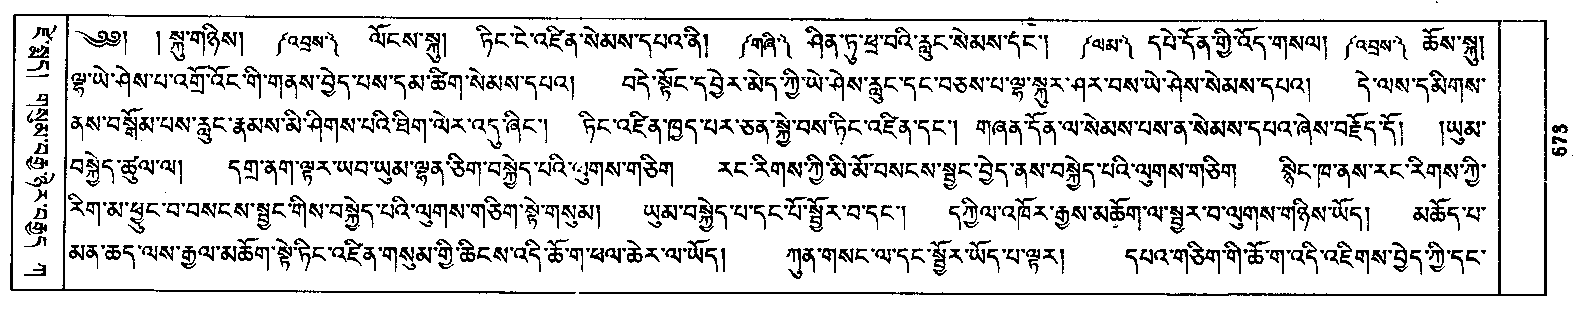༄༅། །སྐུ་གཉིས། ༼འབྲས྄་ལོངས་སྐུ། ཏིང་ངེ་འཛིན་སེམས་དཔའ་ནི། ༽གཞ྄ི་ཤིན་ཏུ་ཕྲ་བའི་རླུང་སེམས་དང་། ༼ལམ྄་དཔེ་དོན་གྱི་འོད་གསལ། ༽འབྲས྄་ཆོས་སྐུ།
ལྷ་ཡེ་ཤེས་པ་འགྲོ་འོང་གི་གནས་བྱེད་པས་དམ་ཚིག་སེམས་དཔའ། བདེ་སྟོང་དབྱེར་མེད་ཀྱི་ཡེ་ཤེས་རླུང་དང་བཅས་པ་ལྷ་སྐུར་ཤར་བས་ཡེ་ཤེས་སེམས་དཔའ། དེ་ལས་དམིགས་
ནས་བསྒོམ་པས་རླུང་རྣམས་མི་ཤིགས་པའི་ཐིག་ལེར་འདུ་ཞིང་། ཏིང་འཛིན་ཁྱད་པར་ཅན་སྐྱེ་བས་ཏིང་འཛིན་དང་། གཞན་དོན་ལ་སེམས་པས་ན་སེམས་དཔའ་ཞེས་བརྗོད་དོ། །ཡུམ་
བསྐྱེད་ཚུལ་ལ། དགྲ་ནག་ལྟར་ཡབ་ཡུམ་ལྷན་ཅིག་བསྐྱེད་པའི་ལུགས་གཅིག་རང་རིགས་ཀྱི་མི་མོ་བསངས་སྦྱང་བྱེད་ནས་བསྐྱེད་པའི་ལུགས་གཅིག་སྙིང་ཁ་ནས་རང་རིགས་ཀྱི་
རིག་མ་ཕྱུང་བ་བསངས་སྦྱང་གིས་བསྐྱེད་པའི་ལུགས་གཅིག་སྟེ་གསུམ། ཡུམ་བསྐྱེད་པ་དང་པོ་སྦྱོར་བ་དང་། དཀྱིལ་འཁོར་རྒྱས་མཆོག་ལ་སྦྱར་བ་ལུགས་གཉིས་ཡོད། མཆོད་པ་
མན་ཆད་ལས་རྒྱལ་མཆོག་སྟེ་ཏིང་འཛིན་གསུམ་གྱི་ཆིངས་འདི་ཆོ་ག་ཕལ་ཆེར་ལ་ཡོད། ཀུན་གསང་ལ་དང་སྦྱོར་ཡོད་པ་ལྟར། དཔའ་གཅིག་གི་ཆོ་ག་འདི་འཇིགས་བྱེད་ཀྱི་དང་